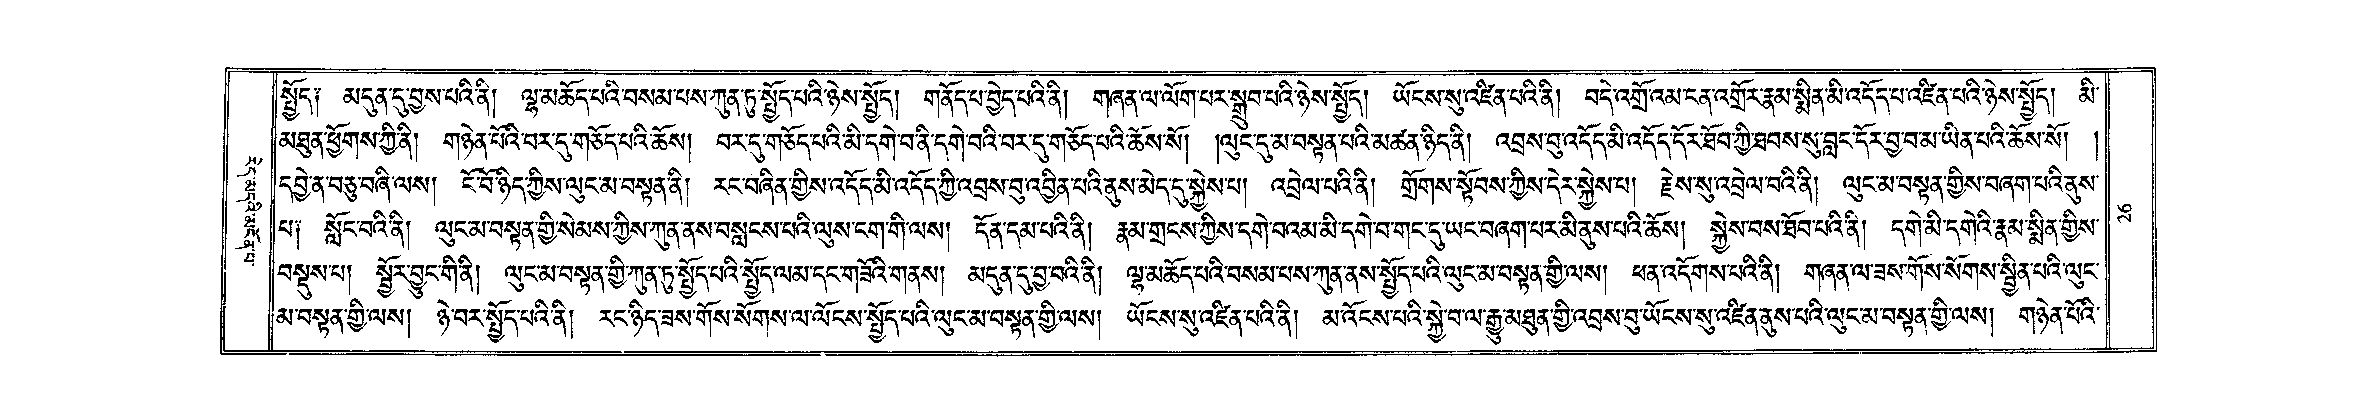སྤྱོད༑ མདུན་དུ་བྱས་པའི་ནི། ལྷ་མཆོད་པའི་བསམ་པས་ཀུན་ཏུ་སྤྱོད་པའི་ཉེས་སྤྱོད། གནོད་པ་བྱེད་པའི་ནི། གཞན་ལ་ལོག་པར་སྒྲུབ་པའི་ཉེས་སྤྱོད། ཡོངས་སུ་འཛིན་པའི་ནི། བདེ་འགྲོ་འམ་ངན་འགྲོར་རྣམ་སྨིན་མི་འདོད་པ་འཛིན་པའི་ཉེས་སྤྱོད། མི་
མཐུན་ཕྱོགས་ཀྱི་ནི། གཉེན་པོའི་བར་དུ་གཅོད་པའི་ཆོས། བར་དུ་གཅོད་པའི་མི་དགེ་བ་ནི་དགེ་བའི་བར་དུ་གཅོད་པའི་ཆོས་སོ། །ལུང་དུ་མ་བསྟན་པའི་མཚན་ཉིད་ནི། འབྲས་བུ་འདོད་མི་འདོད་དོར་ཐོབ་ཀྱི་ཐབས་སུ་བླང་དོར་བྱ་བ་མ་ཡིན་པའི་ཆོས་སོ། །
དབྱེ་ན་བཅུ་བཞི་ལས། ངོ་བོ་ཉིད་ཀྱིས་ལུང་མ་བསྟན་ནི། རང་བཞིན་གྱིས་འདོད་མི་འདོད་ཀྱི་འབྲས་བུ་འབྱིན་པའི་ནུས་མེད་དུ་སྐྱེས་པ། འབྲེལ་པའི་ནི། གྲོགས་སྟོབས་ཀྱིས་དེར་སྐྱེས་པ། རྗེས་སུ་འབྲེལ་བའི་ནི། ལུང་མ་བསྟན་གྱིས་བཞག་པའི་ནུས་
པ༑ སློང་བའི་ནི། ལུང་མ་བསྟན་གྱི་སེམས་ཀྱིས་ཀུན་ནས་བསླངས་པའི་ལུས་ངག་གི་ལས། དོན་དམ་པའི་ནི། རྣམ་གྲངས་ཀྱིས་དགེ་བའམ་མི་དགེ་བ་གང་དུ་ཡང་བཞག་པར་མི་ནུས་པའི་ཆོས། སྐྱེས་བས་ཐོབ་པའི་ནི། དགེ་མི་དགེའི་རྣམ་སྨིན་གྱིས་
བསྡུས་པ། སྦྱོར་བྱུང་གི་ནི། ལུང་མ་བསྟན་གྱི་ཀུན་ཏུ་སྤྱོད་པའི་སྤྱོད་ལམ་དང་གཟོའི་གནས། མདུན་དུ་བྱ་བའི་ནི། ལྷ་མཆོད་པའི་བསམ་པས་ཀུན་ནས་སྤྱོད་པའི་ལུང་མ་བསྟན་གྱི་ལས། ཕན་འདོགས་པའི་ནི། གཞན་ལ་ཟས་གོས་སོགས་སྦྱིན་པའི་ལུང་
མ་བསྟན་གྱི་ལས། ཉེ་བར་སྤྱོད་པའི་ནི། རང་ཉིད་ཟས་གོས་སོགས་ལ་ལོངས་སྤྱོད་པའི་ལུང་མ་བསྟན་གྱི་ལས། ཡོངས་སུ་འཛིན་པའི་ནི། མ་འོངས་པའི་སྐྱེ་བ་ལ་རྒྱུ་མཐུན་གྱི་འབྲས་བུ་ཡོངས་སུ་འཛིན་ནུས་པའི་ལུང་མ་བསྟན་གྱི་ལས། གཉེན་པོའི་